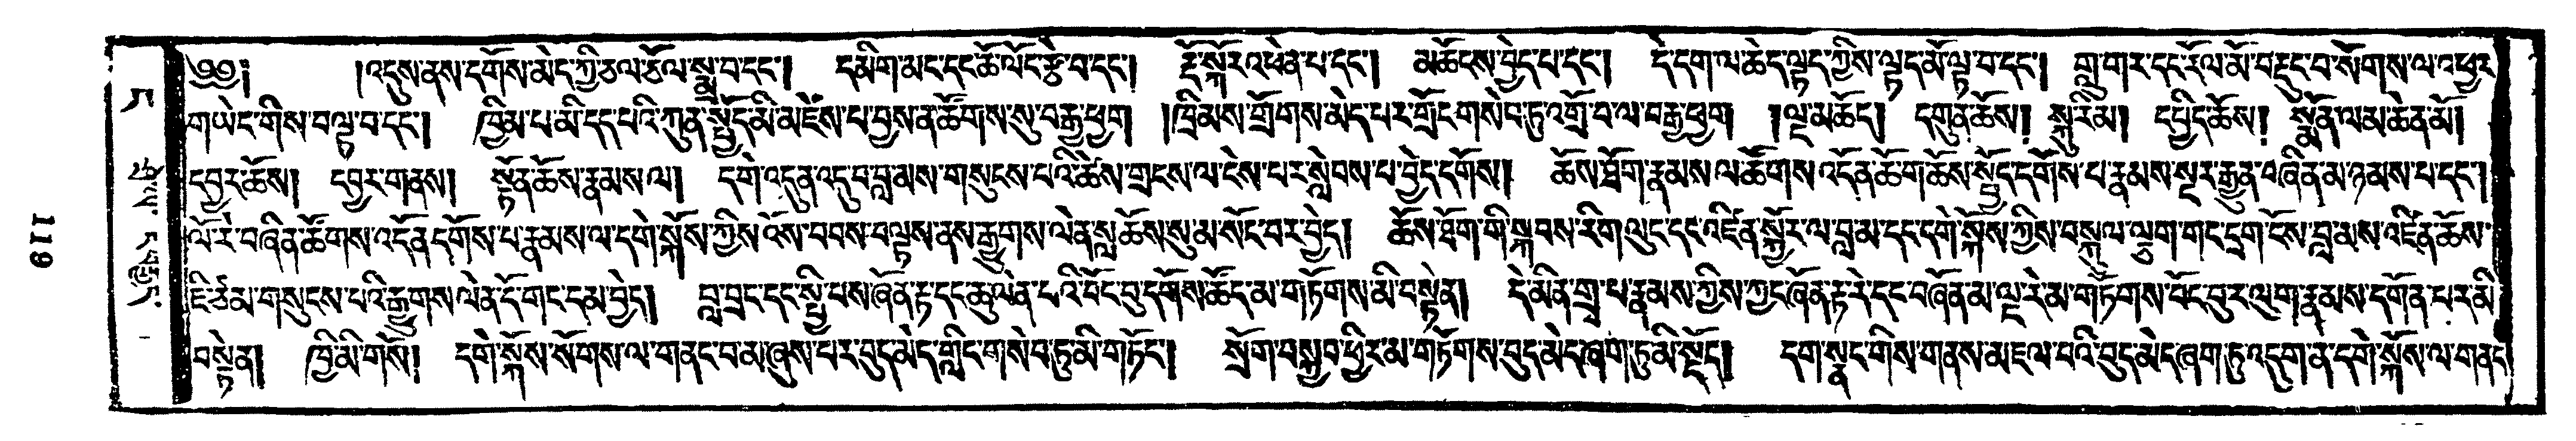༄༅། །འདུས་ནས་དགོས་མེད་ཀྱི་ཅལ་ཅོལ་སྨྲ་བ་དང་། དམིག་མང་དང་ཆོ་ལོང་རྩེ་བ་དང་། རྡོ་སྐོར་འཕེན་པ་དང་། མཆོངས་བྱེད་པ་དང་། དེ་དག་ལ་ཆེད་ལྟད་ཀྱིས་ལྟད་མོ་ལྟ་བ་དང་། གླུ་གར་དང་རོལ་མོ་བརྡུང་བ་སོགས་ལ་འཕྱར་
གཡེང་གིས་བལྟ་བ་དང་། ཁྱིམ་པ་མི་དད་པའི་ཀུན་སྤྱོད་མི་མཛེས་པ་བྱས་ན་ཚོགས་སུ་བརྒྱ་ཕྱག །ཁྲིམས་གྲོགས་མེད་པར་གྲོང་གསེབ་ཏུ་འགྲོ་བ་ལ་བརྒྱ་ཕྱག །ལྔ་མཆོད། དགུན་ཆོས། སྐུ་རིམ། དཔྱིད་ཆོས། སྨོན་ལམ་ཆེན་མོ།
དབྱར་ཆོས། དབྱར་གནས། སྟོན་ཆོས་རྣམས་ལ། དགེ་འདུན་འདུ་བ་བླ་མས་གསུངས་པའི་ཚེས་གྲངས་ལ་ངེས་པར་སླེབས་པ་བྱེད་དགོས། ཆོས་ཐོག་རྣམས་ལ་ཚོགས་འདོན་ཆོ་ག་ཆོས་སྤྱོད་དགོས་པ་རྣམས་སྔར་རྒྱུན་བཞིན་མ་ཉམས་པ་དང་།
ལེ་རེ་བཞིན་ཚོགས་འདོན་དགོས་པ་རྣམས་ལ་དགེ་སྐོས་ཀྱིས་འོས་བབས་བལྟས་ནས་རྒྱུགས་ལེན་སླ་ཆོས་སུ་མ་སོང་བར་བྱེད། ཆོས་ཐོག་གི་སྐབས་རིག་ལུང་དང་འཛིན་སྐྱོར་ལ་བླ་མ་དང་དགེ་སྐོས་ཀྱིས་བསྐུལ་ལྕག་གང་དྲག་ངོས་བླ་མས་འཛིན་ཆོས་
ཇི་ཙམ་གསུངས་པའི་རྒྱུགས་ལེན་དོ་གང་དམ་བྱེད། བླ་བྲང་དང་སྤྱི་པས་ཞོན་རྟ་དང་ཆུ་ལེན་པའི་བོང་བུ་དགོས་ཚོད་མ་གཏོགས་མི་བསྟེན། དེ་མིན་གྲྭ་པ་རྣམས་ཀྱིས་ཀྱང་ཞོན་རྟ་རེ་དང་བཞོན་མ་ལྔ་རེ་མ་གཏོགས་བོང་བུ་ར་ལུག་རྣམས་དགོན་པར་མི་
བསྟེན། ཁྱི་མི་གོས། དགེ་སྐོས་སོགས་ལ་གནང་བ་མ་ཞུས་པར་བུད་མེད་གླིང་གསེབ་ཏུ་མི་གཏོང་། སྲོག་བསྐྱབ་ཕྱིར་མ་གཏོགས་བུད་མེད་ཞག་ཏུ་མི་སྡོད། དག་སྣང་གིས་གནས་མཇལ་བའི་བུད་མེད་ཞག་ཏུ་འདུག་ན་དགེ་སྐོས་ལ་གནང་